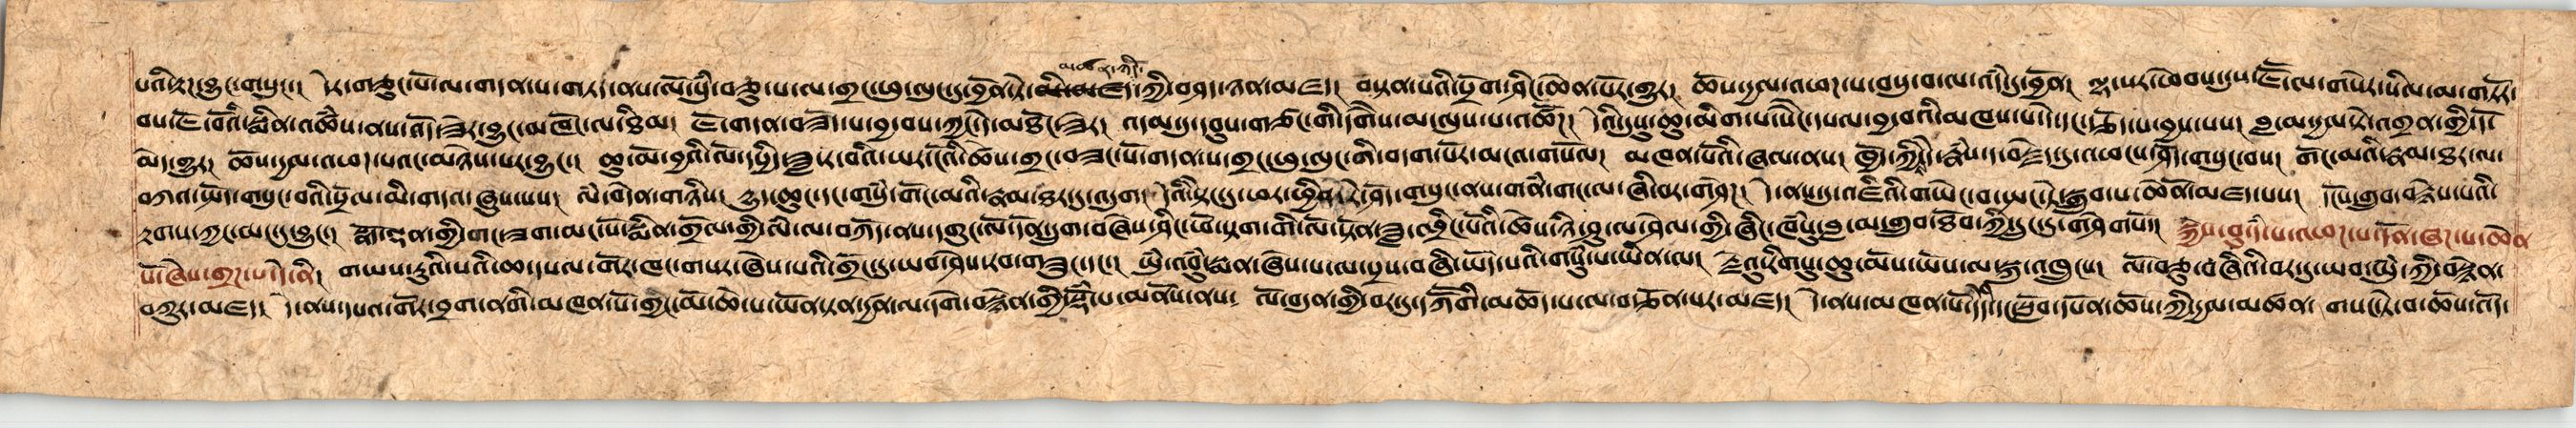པའི་རྟཌ་བྱུང་གསུང་། དེར་གཅུང་པོ་ལ་གདན་ས་གཏད་ནས་ལོ་སུཾ་བཅུ་པ་ལ་གྲང་ཕུ་ལུང་དུ་བྱོན་ཏེ་མི་མཛད་ཀྱི་བཤད་ཉན་མཛད། བསྟན་པའི་སྲོག་ཤིང་ཆེན་པོར་གྱུར། ཆོས་དྱལ་འཕཌ་པ་བསུ་བ་ལ་འདཾ་དུ་བྱོན། ལྷ་སར་ཕེབས་དུས་ཇཽ་ལ་གསེར་སིལ་མ་གཏོར་
བས་ཇོ་བོའི་སྨིན་འཚཾས་ནས་འོད་ཟེར་བྱུང་མཁོང་ལ་ཐིམ། ཇོ་གདན་བཟོད་པ་བྱ་བས་ཀྱང་དེ་མཐོང་ཟེར། འདམ་དུ་དབུས་གཙང་གི་དགཻས་མ་ལུས་པ་འཚོཌ། དེའི་དུསུ་ཆུ་མིག་པ་སཻང་དཔལ་བྱ་བའི་མཁས་པ་དེ་དང་རྩོད་པ་བྱས་པས། བླ་མ་དྱལ་ཏེ་འགྲན་གྱི་དོ་
མེད་གྱུར། ཆོས་དྱལ་འཕཌ་པའང་མཉེས་པར་བྱུང་། ཆུ་མོ་བྱའི་ལོ་དཔྱིད་ཟླ་ར་བའི་ཡར་ངོའི་ཚེས་གྲང་བཟང་པོ་ལ་གདན་ས་གྲང་ཕུ་ལུང་གི་བདག་པོར་མངའ་གསོལ། མཁན་པོའི་ཞལ་ནས། ཁྱོད་ཀྱིས་དེ་རྣཾས་ད་བརྗེད་དུ་འཕངས་ཤོད་གསུང་བས། གོང་མའི་རྣམ་ཐར་ལ་
བཀའ་སྤོད་གསུང་བའི་སྲོལ་མི་གདའ་ཞུས་པས། ལཾ་བདེན་གཉིས། དྱུད་ཆུང་དང་གསུཾ་གོང་མའི་རྣམ་ཐར་དུ་འདུག། དེའི་སྟེང་དུ་ཕར་ཕྱིན་རེ་ཤོད་གསུང་ནས་གནཾ་གང་ལ་ཞི་བར་གཤེཌ། དེ་ནས་དུ་འཛིའི་གཡེང་བ་སྤང་ཏེ་སྒྲུབ་པ་ཆེནོ་མཛད་པས། དངོས་གྲུབ་བརྙེས་པའི་
རྟགས་ཀྱང་མང་དུ་བྱུང་། སྣོད་ལྡན་གྱི་གང་ཟག་མང་པོ་སྨིན་གྲོལ་གྱི་ལཾ་ལ་བཀོད་ནས་དགུང་ལོ་དོན་དྲུག་བཞེས་ཤིང་ཕོ་སྟག་གི་ལོ་སྟོན་ཟླ་འབྲིང་པོའི་ཚེས་ཉི་ཤུ་ལ་ཤེལ་གྱི་ཞིང་ཁཾསུ་བླ་མ་གྲུབ་ཐོབ་ཀྱི་དྲུང་དུ་གཤེགསོ། སྐྱེས་བུ་དཾ་པ་འཕཌ་པ་དོན་ཞཌ་པ་ཆེན
པོ་ཞེས་གྲཌ་པ་དེ་ནི། གཡས་རུའི་སའི་ཆ་དཔལ་གོར་ཁང་གསར་ཞེས་པའི་གྲོང་དུ་ཡབ་ཤེས་རབ་གཟུང་དང་། ཡུཾ་འབུཾ་སྨན་ཞེས་པ་ལ་སྲས་བཞི་ཡོད་པའི་གསུཾ་པ་ཡིན་ལ། རྗེའུའི་རིགསུ་ཆུ་མོ་ཡོས་ལ་སྐུ་འཁྲུངས། ལོ་བཅུ་བཞིའི་བར་དུ་ཡབ་ཡུཾ་ཀྱི་བསྙེན་
བཀུར་མཛད། དེ་ནས་དཔའ་གོར་བྲག་ནགི་མཁན་པོ་གྱང་མོ་ཆེ་པ་ཡོན་ཏན་དྱཚན་ལ་དགེ་བསྙེན་གྱི་སྡོཾ་པ་མནོས་ནས༴ ལོ་བདུན་གྱི་བར་དུ་དཀཽགི་མཆོད་པ་ལ་བརྩོན་པར་མཛད། དེ་ནས་མཁན་པོ་དེདི་དང་སློབ་དཔོན་ཆོས་ཀྱི་དྱལ་མཚན། གསང་ཏེ་བ་ཆོས་འོད་